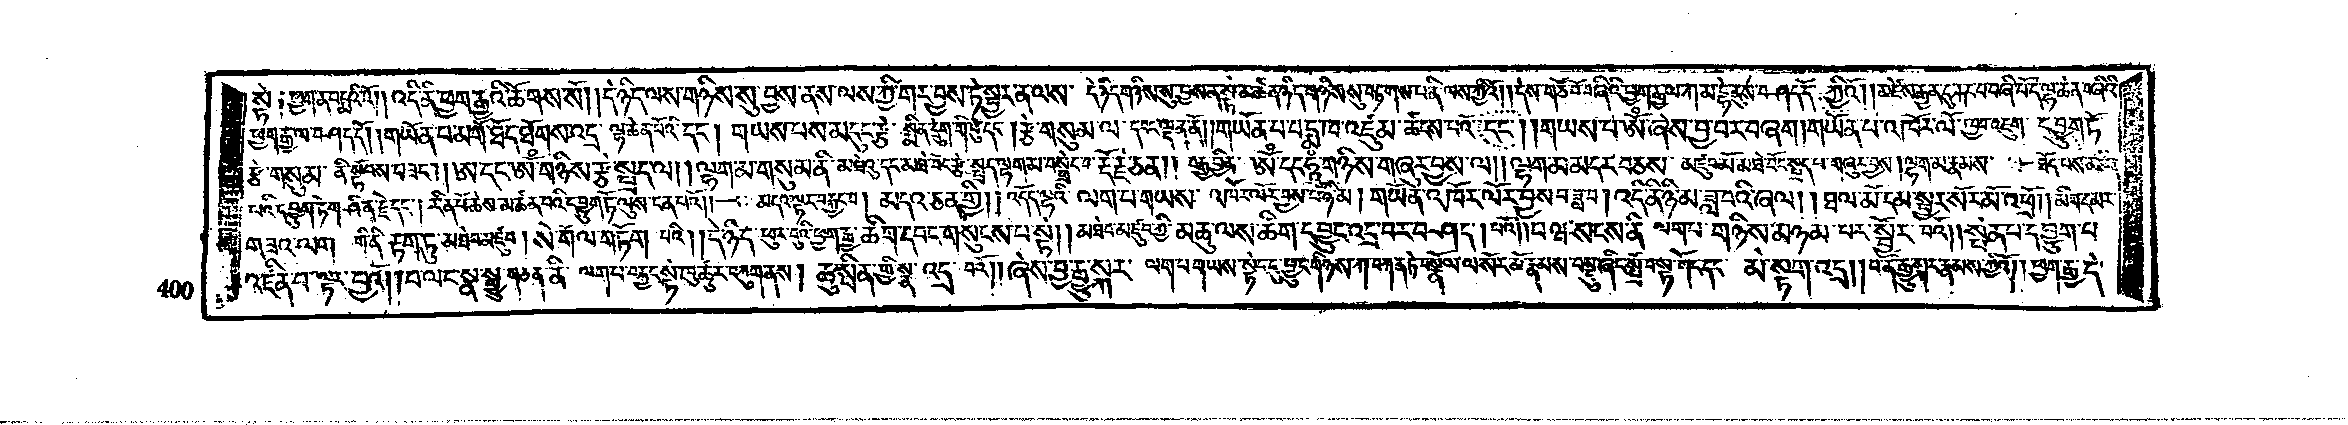སྟེ། ཕྱག་ན་པདམའི་འོ།  །འདི་ནི་ཕྱག་རྒྱའི་ཚོགས་ས། །དེ་ཉིད་ལས་གཉིས་སུ་བྱས་ནས་ལས་ཀྱི་གར་བྱས་ཏེ་སྦྱར་ན་ལས་དེ་ཉིད་གཉིས་སུ་བྱས་ན་སྟེ་མཚན་ཉིད་གཉིས་སུ་བཏགས་པ་ནི་ལས་ཀྱིའོ། །དེས་གཙོ་བོ་བཞིའི་ཕྱག་རྒྱ་ལ་ཀ་མ་དྷེ་ནུས་བཤད་དོ་ཀྱིའོ། །མཛེས་རྒྱན་དུ་རྐང་པ་བཞི་པོ་དེ་ལྷ་ཆེན་བཞིའི་
ཕྱག་རྒྱ་ལ་བཤད་དོ། །གཡོན་པ་མགོ་ཐོད་ཐོགས་འདྲ་ལྷ་ཆེན་པོའི་དང་། གཡས་པས་མདུང་རྩེ་སྨིན་དྲུག་གི་བུ་དང་།  རྩེ་གསུམ་ལ་དབང་ལྡན་ནོ།  །གཡོན་པ་པདམ་ཁ་འཛུམ་ཚངས་པའོ་དང་། །གཡས་པ་ཨོཾ་ཞེས་བྱ་བར་བཞག །གཡོན་པ་འཁོར་ལོ་ཁྱབ་འཇུག་དབྱུག་ཏེ་
རྩེ་གསུམ་ནི་སྟོབས་བཟང་།  །ཨ་དང་ཨོཾ་གཉིས་རྩེ་སྤྲད་ལ། །ལྷག་མ་གསུམ་ནི་མཐེའུ་དང་མཐེ་བོང་རྩེ་སྤྲད་ལྷག་མ་བསྒྲེང་བ་རྡོ་རྗེ་ཅན། །བརྒྱ་བྱིན་ཨོཾ་དང་ཧཱུཾ་གཉིས་གཞུར་བྱས་ལ། །ལྷག་མ་མདར་བཅས་མཛུབ་མོ་མཐེ་བོང་སྤྲད་པ་གཞུར་བྱས། ལྷག་མ་རྣམས་H.ཐོད་པས་མཚན་
པའི་དབྱུག་ཏེ་གཤིན་རྗེ་དང་། རིན་པོ་ཆེས་མཚན་པའི་དབྱུག་ཏོ་ལུས་ངན་པའོ།། .Hམདའ་ལྟར་བརྐྱང་བ། མདའ་ཅན་གྱི། །འདོད་ལྷའི་ལག་པ་གཡས་འཁོར་ལོར་བྱས་པ་ཉི་མ།  གཡོན་འཁོར་ལོར་བྱས་བཟླ་བ།  འདི་ནི་ཉི་མ་ཟླ་བའི་ཞལ། །ཐལ་མོ་དམ་སྦྱར་སོར་མོ་འཕྲོ། །མིག་དམར
གཟའ་ལག་གི་ནི་རྟག་ཏུ་མཐེབ་མཇུབ།  སེ་གོལ་གཏེག་པའི།  ?་།དེ་ཉིད་ཕུར་བུའི་ཕྱག་རྒྱ་ཚིག་དབང་གསུངས་པ་སྟེ། །མཐེབ་མཛུབ་ཀྱི་མཆུ་ལས་ཚིག་དབྱུང་འདྲ་བར་བཤད། པའོ།  །པ་ཝ་སངས་ནི་ལག་པ་གཉིས་མཉམ་པར་སྦྱོར་བའོ།  །སྤེན་པ་དབྱུག་པ་
འཛིན་པ་ལྟར་བྱའོ། །བ་ལང་སྣ་སྒྲ་གཅན་ནི་ལག་པ་བརྐྱང་སྟེ་ཁུ་ཚུར་བཀུག་ནས།  ཆུ་སྲིན་གྱི་སྣ་འདྲ་བའོ།  །ཞེས་བྱ་རྒྱུ་སྐར་ལག་པ་གཡས་སྟེང་དུ་ཕྱུང་གཉིས་ཀ་བཀན་ཏེ་བསྣོལ་ལ་སོར་མོ་རྣམས་བསྡུ་ཞིང་སྤྲོ་བ་སྟེ་གོང་དང་མེ་སྟག་འདྲ། །བ་ནི་རྒྱུ་སྐར་རྣམས་ཀྱིའོ།  །ཕྱག་རྒྱ་དེ་